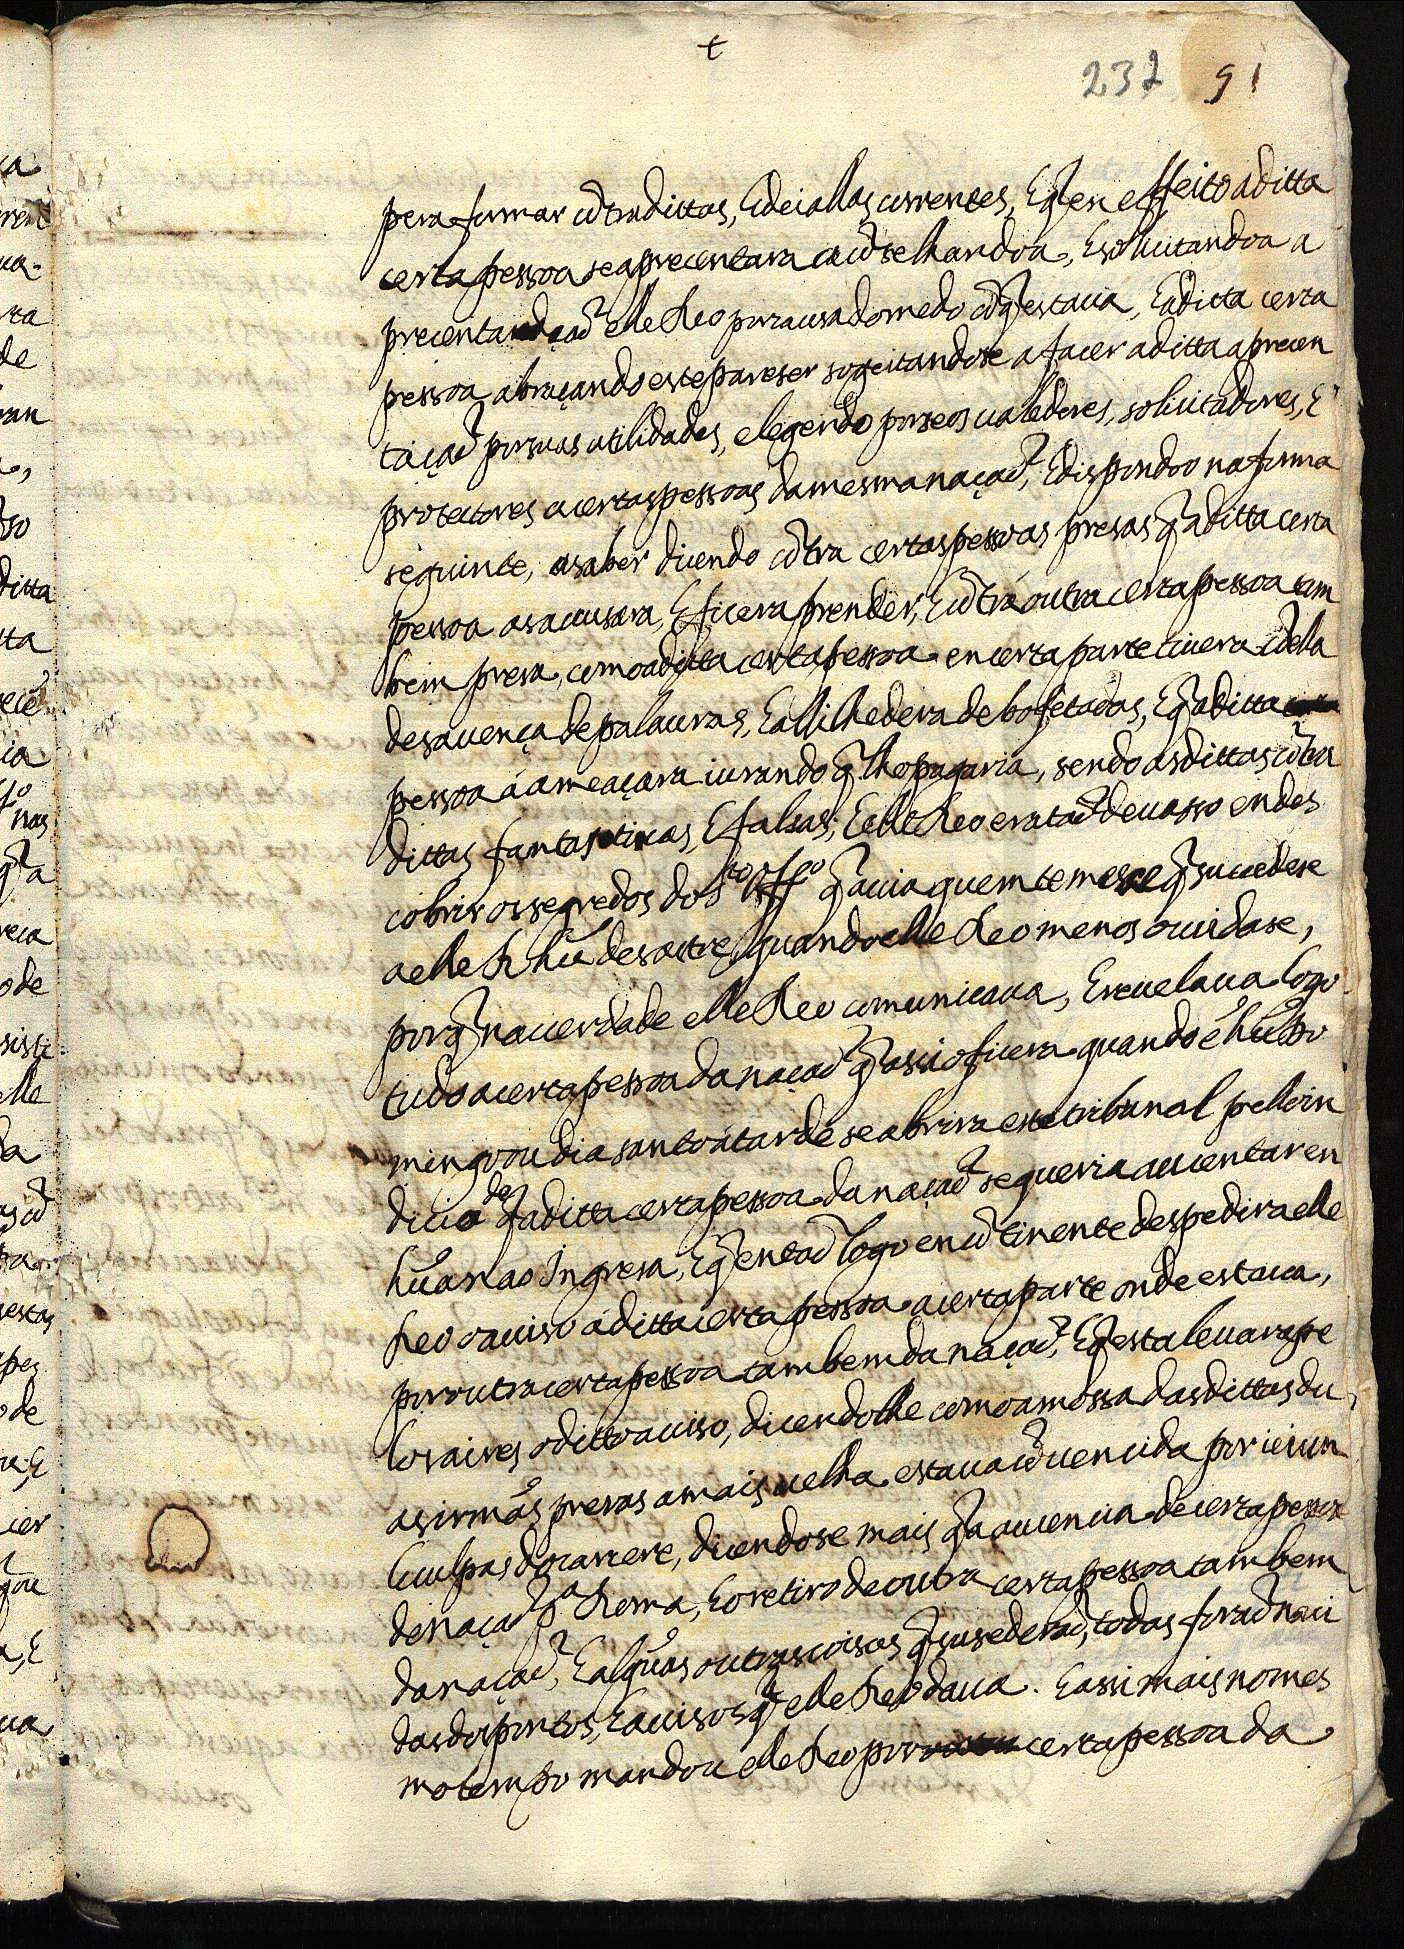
pera formar cōtradittas, E dei allas correntes, E q̄ en effeito a ditta
certa pessoa se aprecentara e acōselhandoa, E sollicitandoa a
precentando cō elle Reo por causa do medo do q̄ estaua, E a ditta certa
pessoa abraçando este pareser sogeitandose a facer a ditta aprecen
taçaõ por suas utilidades, elegendo por seos ualedores, solicitadores, E
protectores a certas pessoas da mesma naçaõ, E dispondoo na forma
seguinte, a saber dicendo cōtra certas pessoas presas q̄ a ditta certa
pessoa as accusara, E ficera prender, E cōtra outra certa pessoa tam
bem presa, como a ditta certa pessoa en certa parte tiuera cō ella
desauença de palauras, E alli lhe dera de bofetadas, E q̄ a ditta certa
pessoa a ameaçara iurando q̄ lhe pagaria, sendo as dittas cōtra
dittas fantas_ti_cas, e falsas; E elle Reo era taõ deuasso en des
cobrir os segredos do sto Offo q̄ auia quem temesse q̄ succedese
a elle R hū desastre, quando elle Reo menos o cuidase,
porq̄ na uerdade elle Reo comunicaua, E reuelaua logo
tudo a certa pessoa da naçaõ q̄ assi o ficera quando ē hū Do
mingo ou dia santo á tarde se abrira este tribunal pello in
dicio de q̄ a ditta certa pessoa da naçaõ se queria aucentar en
hūa nao Ingresa, E q̄ entaõ logo encōtinente despedira elle
Reo o auizo á ditta certa pessoa a certa parte onde estaua,
por outra certa pessoa tambem da naçaõ E q̄ esta leuara pe
los aires o ditto auiso, dicendolhe como a mossa das dittas du
as irmās presas a mais uelha estaua cōuencida por ieiun
E culpas do carcere, dicendose mais q̄ a ausencia de certa pessoa
de naçaõ pa Roma, E o retiro de outra certa pessoa tambem
da naçaõ, E algūas outras coisas q̄ susederaõ, todas foraõ naci
das dos pontos, E auisos q̄ elle Reo daua. E assi mais no mes
mo tempo mandou elle Reo por outra certa pessoa da
